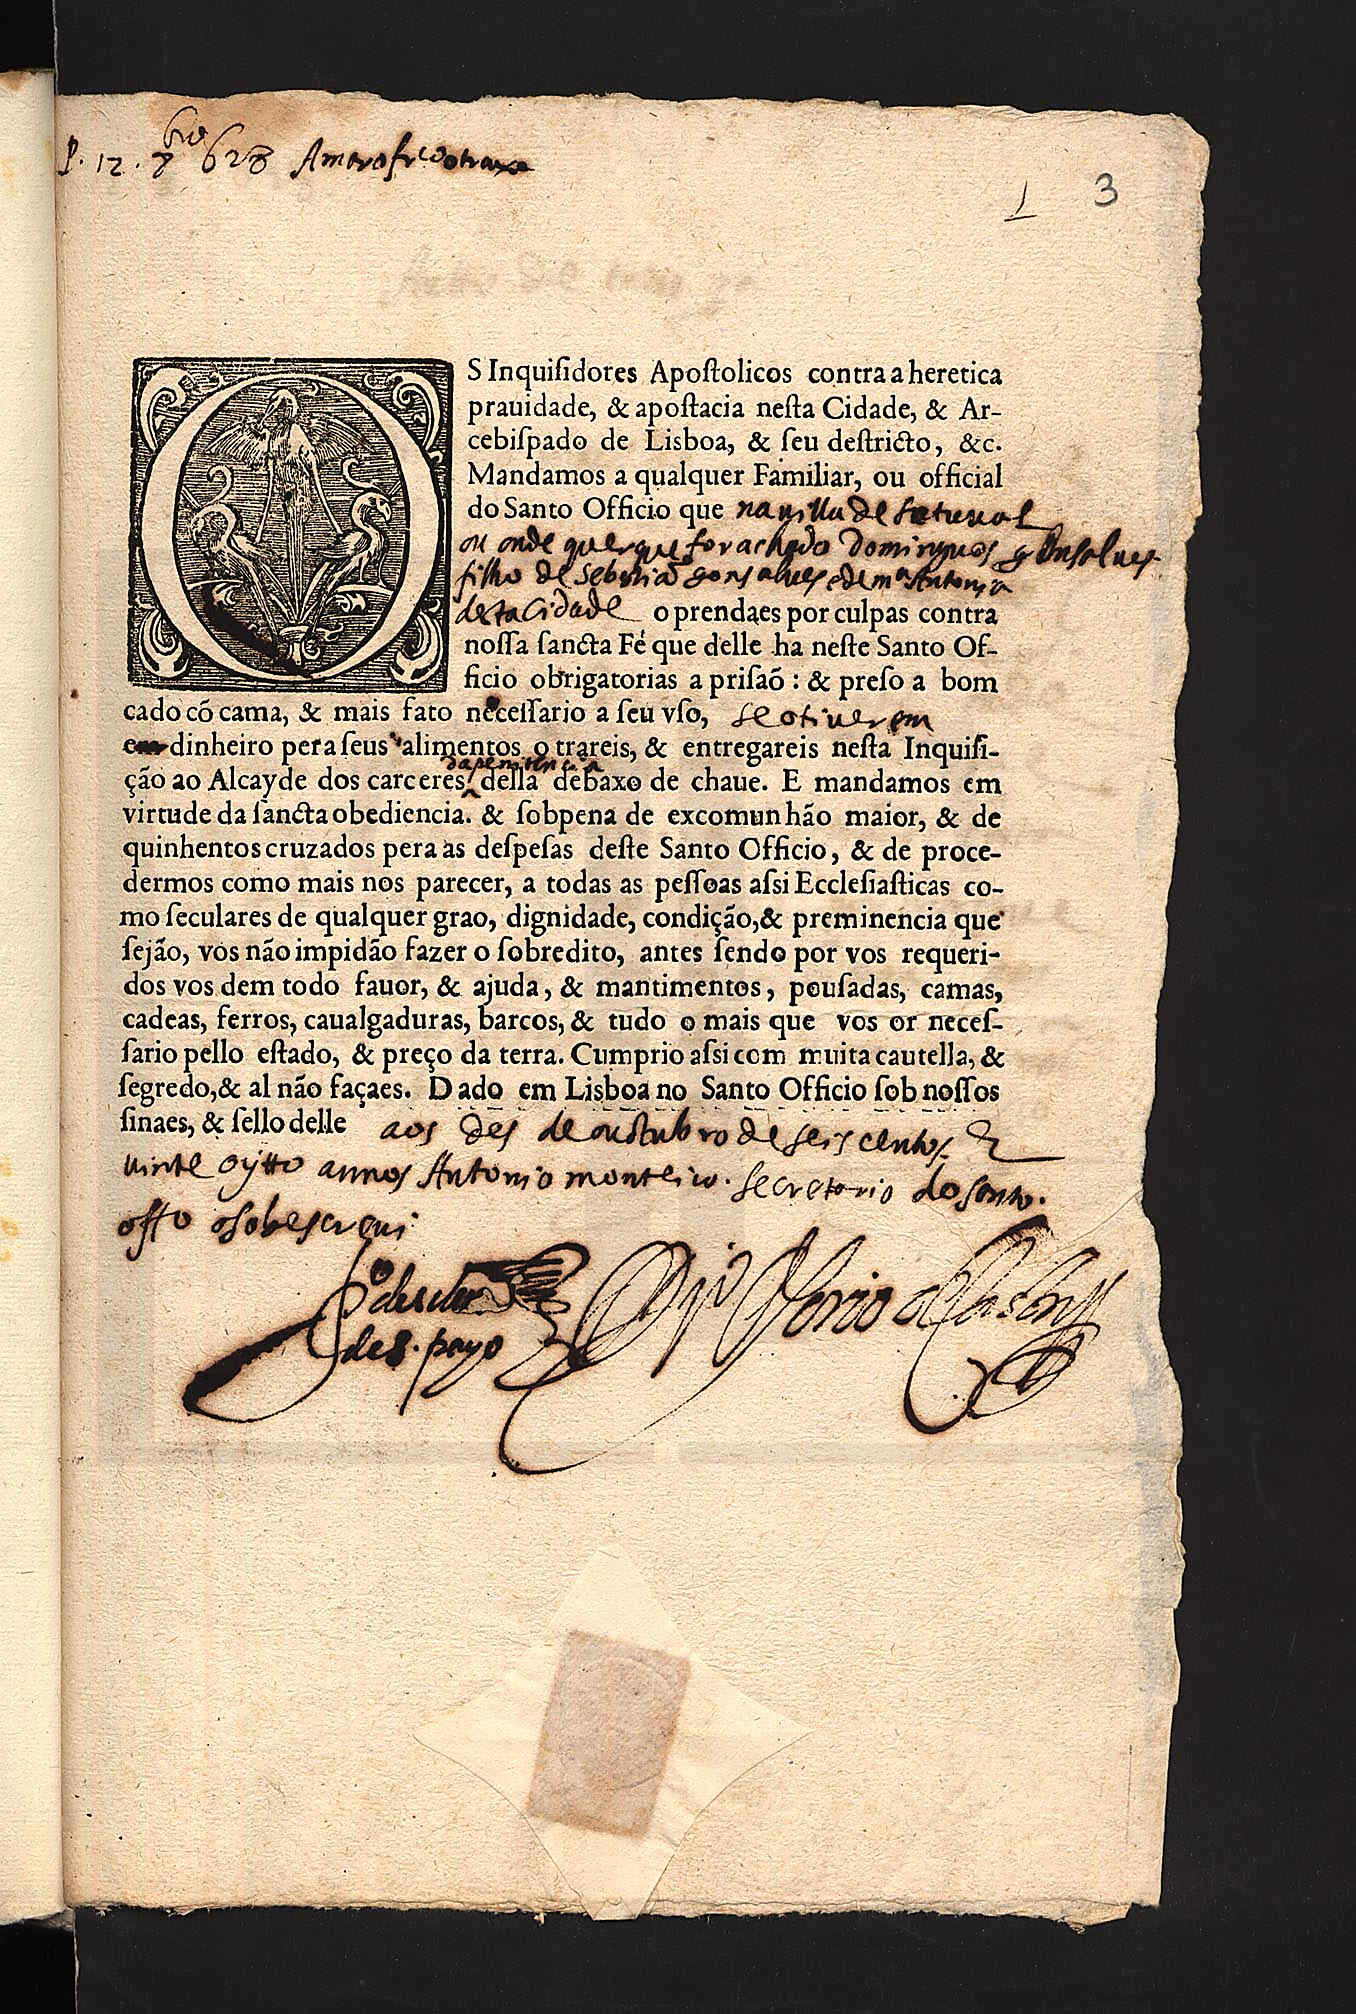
P. 12. 8bro 628 Amaro frco o trouxe
S Inquisidores Apostolicos contra a heretica
prauidade, & apostacia nesta Cidade, & Ar
cebispado de Lisboa, & seu destricto, &c.
Mandamos a qualquer Familiar, ou official
do Santo Officio que na uilla de setuual
ou onde quer que for achado Dominguos gonsalues
filho de sebastiā gonsalues e de ma Antonia
desta cidade o prendaes por culpas contra
nossa sancta Fé que delle ha neste Santo Of
ficio obrigatorias a prisaõ: & preso a bom
cado cō cama, & mais fato necessario a seu vso, se o tiuer em
em dinheiro pera seus alimentos o trareis, & entregareis nesta Inquisi
da penitencia
ção ao Alcayde dos carceres della debaxo de chaue. E mandamos em
virtude da sancta obediencia. & sob pena de excomunhão maior, & de
quinhentos cruzados pera as despesas deste Santo Officio, & de proce
dermos como mais nos parecer, a todas as pessoas assi Ecclesiasticas co
mo seculares de qualquer grao, dignidade, condição, & preminencia que
sejão, vos não impidão fazer o sobredito, antes sendo por vos requeri
dos vos dem todo fauor, & ajuda, & mantimentos, pousadas, camas,
cadeas, ferros, caualgaduras, barcos, & tudo o mais que vos or neces
sario pello estado, & preço da terra. Cumprio assi com muita cautella, &
segredo, & al não façaes. Dado em Lisboa no Santo Officio sob nossos
sinaes, & sello delle aos des de ouctubro de seiscentos. E
uinte oytto annos Antonio monteiro. secretario do santo
offo o sobescreui
Po de silu_
de s. payo
Dio Osorio de Castro
